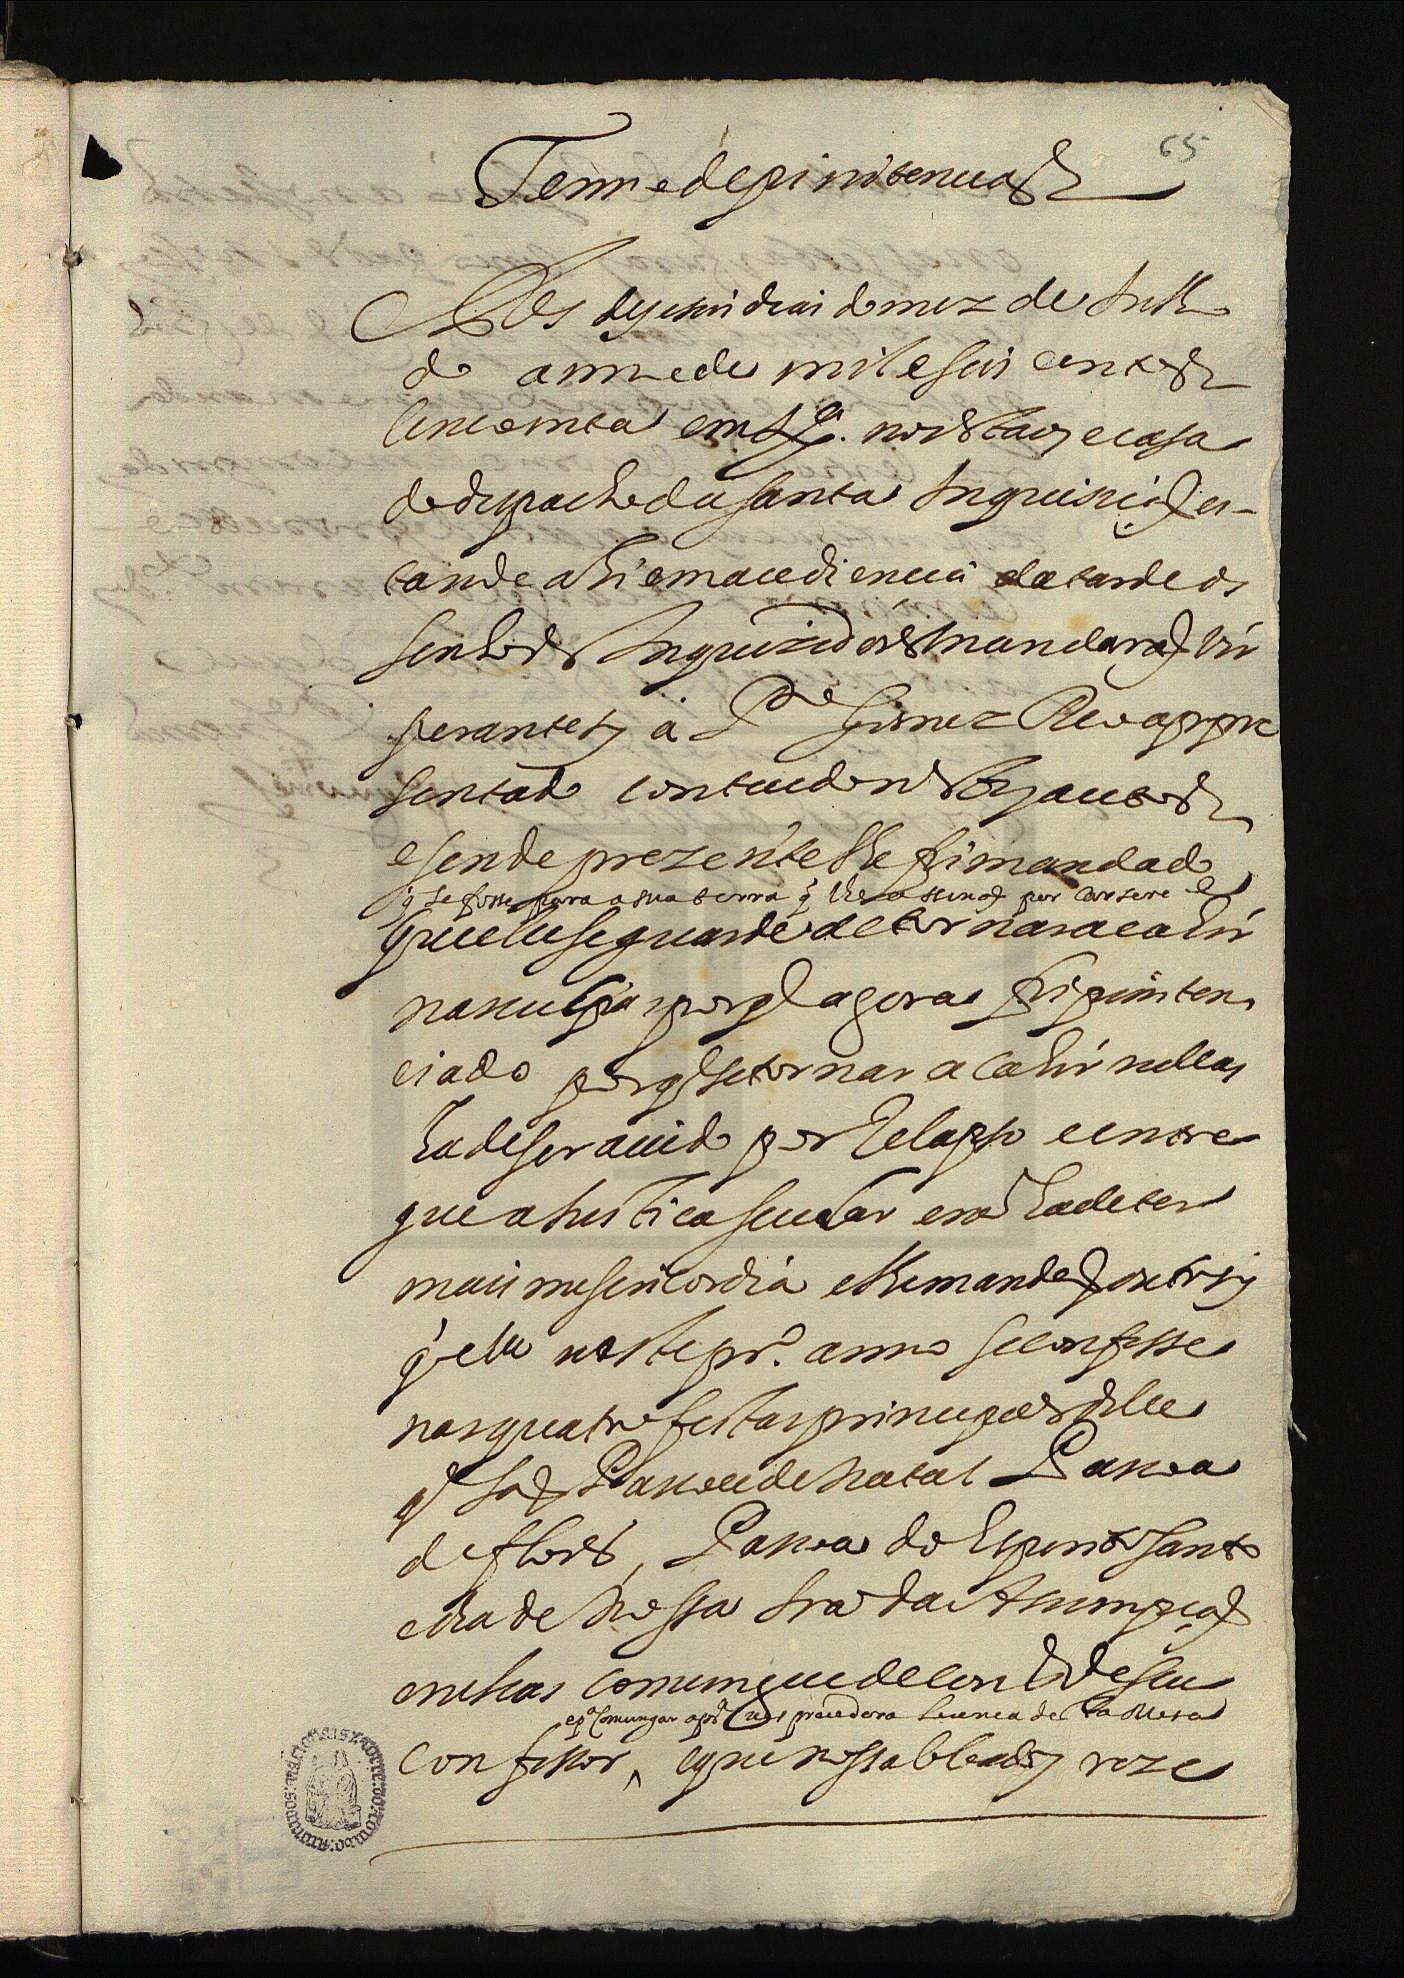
Termo de pinitencia
Aos deseseis dias do mez de Iulho
do anno de mil e seiscentos
cincoenta em Lxa. nos estaos e casa
do despacho da santa Inquisiçaõ es
tando ahi em audiençia da tarde os
senhores Inquizidores mandaraõ vir
perante sj a Po Gomez Reo appre
sentado conteudo nestes autos
e sendo prezente lhe foi mandado
q̄ se fosse para a sua terra q̄ lhe assinaõ por carsere e
que elle se guarde de tornar a cahir
nas culpas por q̄ agora foi peniten
ciado porq̄ se tornar a cahir nellas
hade ser auido por Relapso e entre
gue a Iustica secular e naõ hade ter
mais misericordia e lhe mandaõ outrosy
q̄ elle neste pr.o anno se confesse
nas quatro festas principaes delle
q̄ saõ Pascoa de natal Pascoa
de flores, Pascoa do Espirito santo
e da de nossa sra da Asumpçaõ
e nelas comungue de conso de seu
confessor
e pa Comungar a pra ues precedera Lecenca desta Mesa
e que nos sabbados reze
